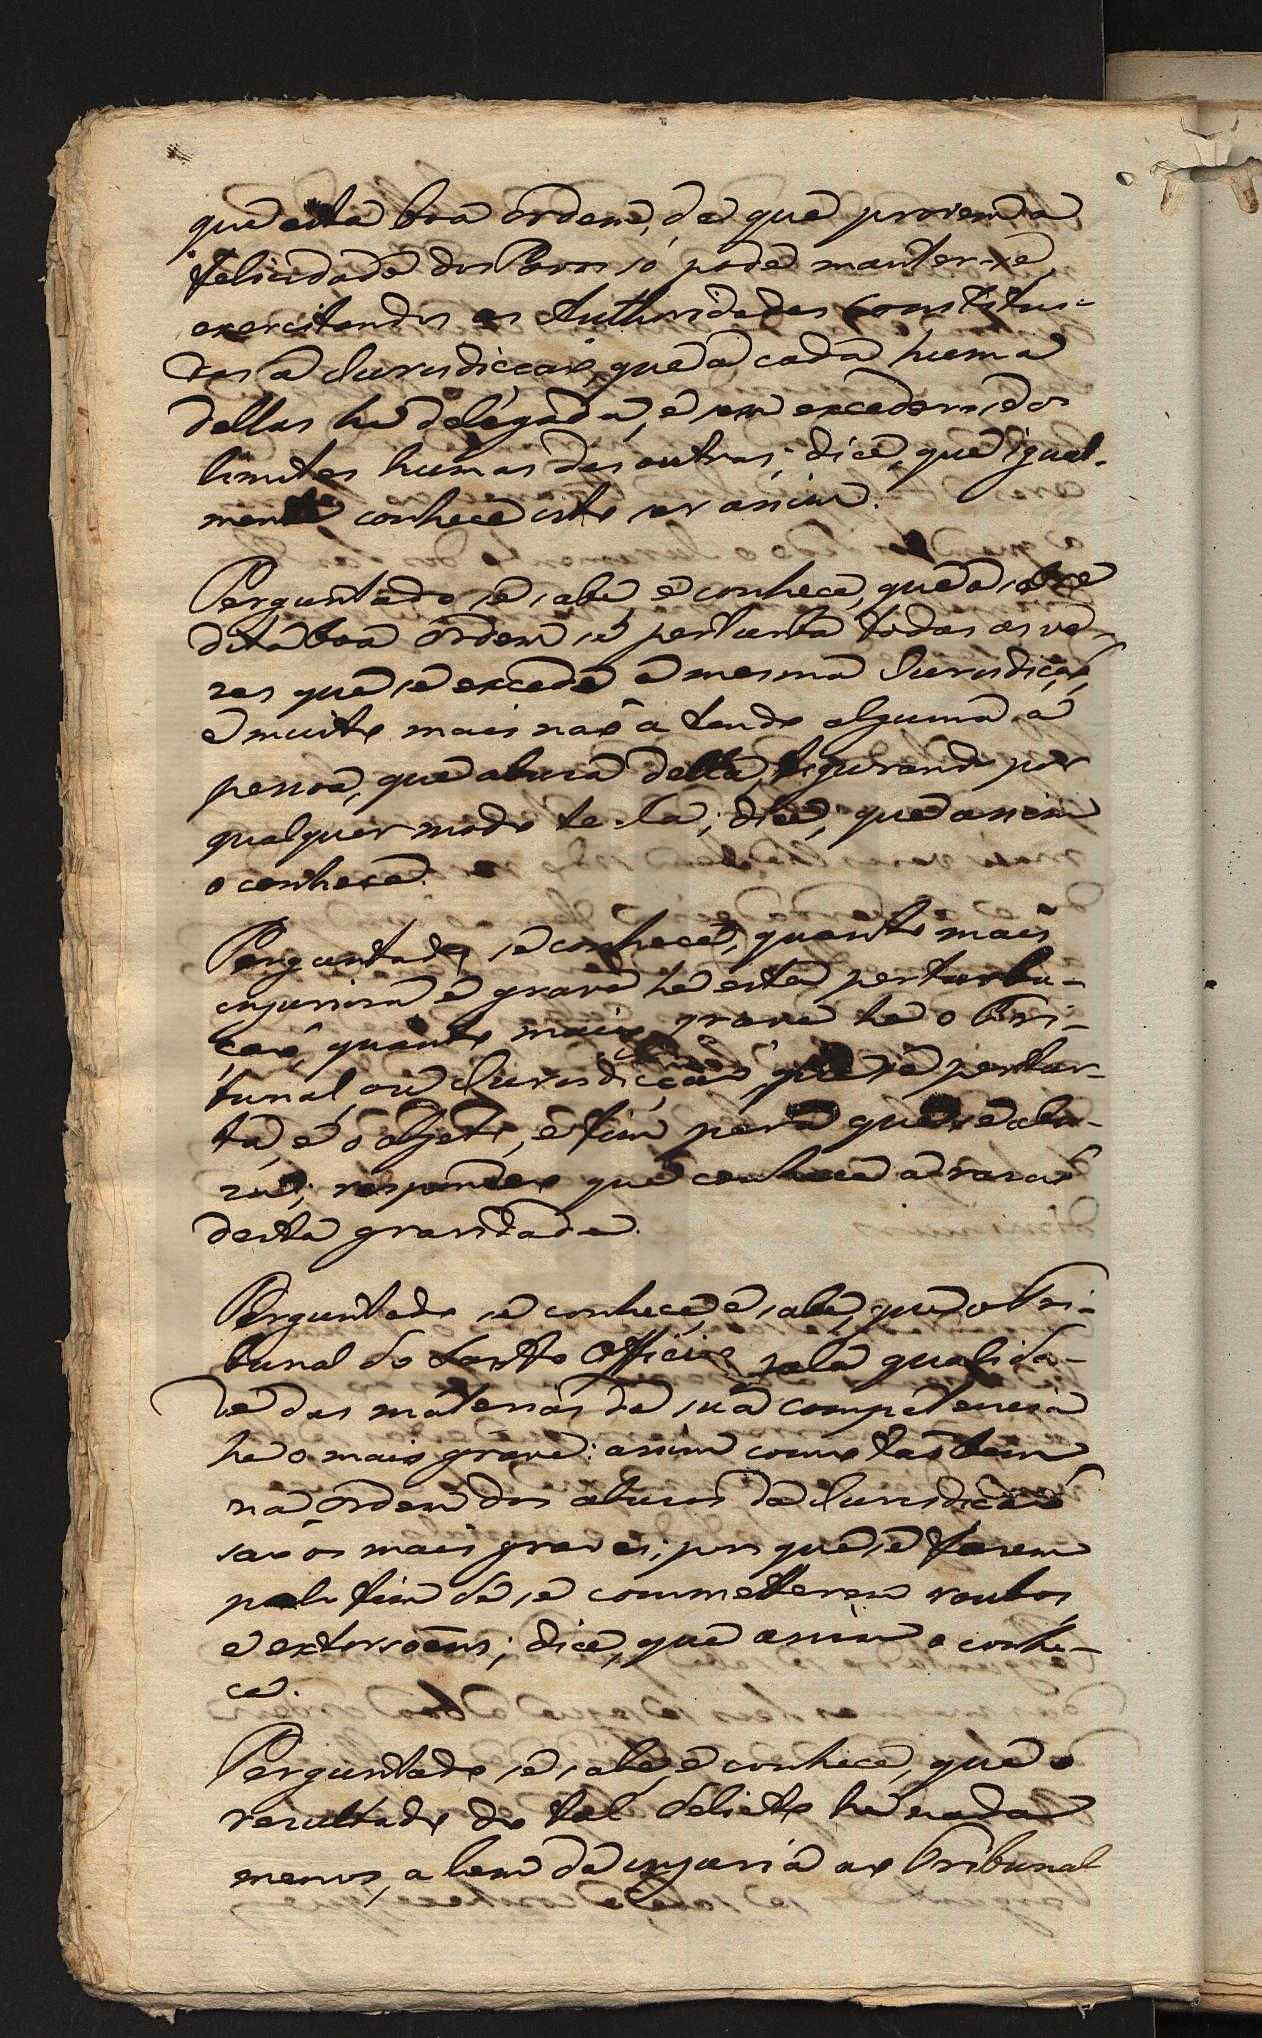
que esta boa ordem, de que provem a
felicidade dos Povos só pode manter-se
exercitando as Authoridades constitui
das a Iurisdicçaõ, que a cada huma
dellas he delegada, e sem excederesse os
limites humas das outras; dice, que igual
men__ conhece isto ser assim.
Perguntado se sabe, e conhece, que a sobre
dita boa ordem se perturba todos as ve
zes que se exçede a mesma Iurisdiçaõ,
e muito mais naõ a tendo alguma a
pessoa, que abuza della, figurando por
qualquer modo te-la, dice, que assim
o conhece.
Perguntada se conhece, quanto maes
enjuriosa e grave he esta perturba
çaõ, quanto mais grave he o Tri
bunal ou Iurisdicçaõ, que se pertur
ba, e o objeto, e sim para que se abu
za; respondeo que conhece a razaõ
desta grandade.
Perguntado se conhece, e sabe, que o Tri
bunal do Santo Offici_ pela qualida
de das materias da sua competencia
he o mais grave: assim como taõbem
na ordem dos abuzos da Iurisdicaõ
saõ os mais graves; por que, se fazem
p_lo fim de se commetterem roubos,
e extorsoẽns; dice, que assim o conhe
ce.
Perguntado se sabe, e conhece, que o
rezultado do tal delito he nada
menos, alem da enjuria ao Tribunal
